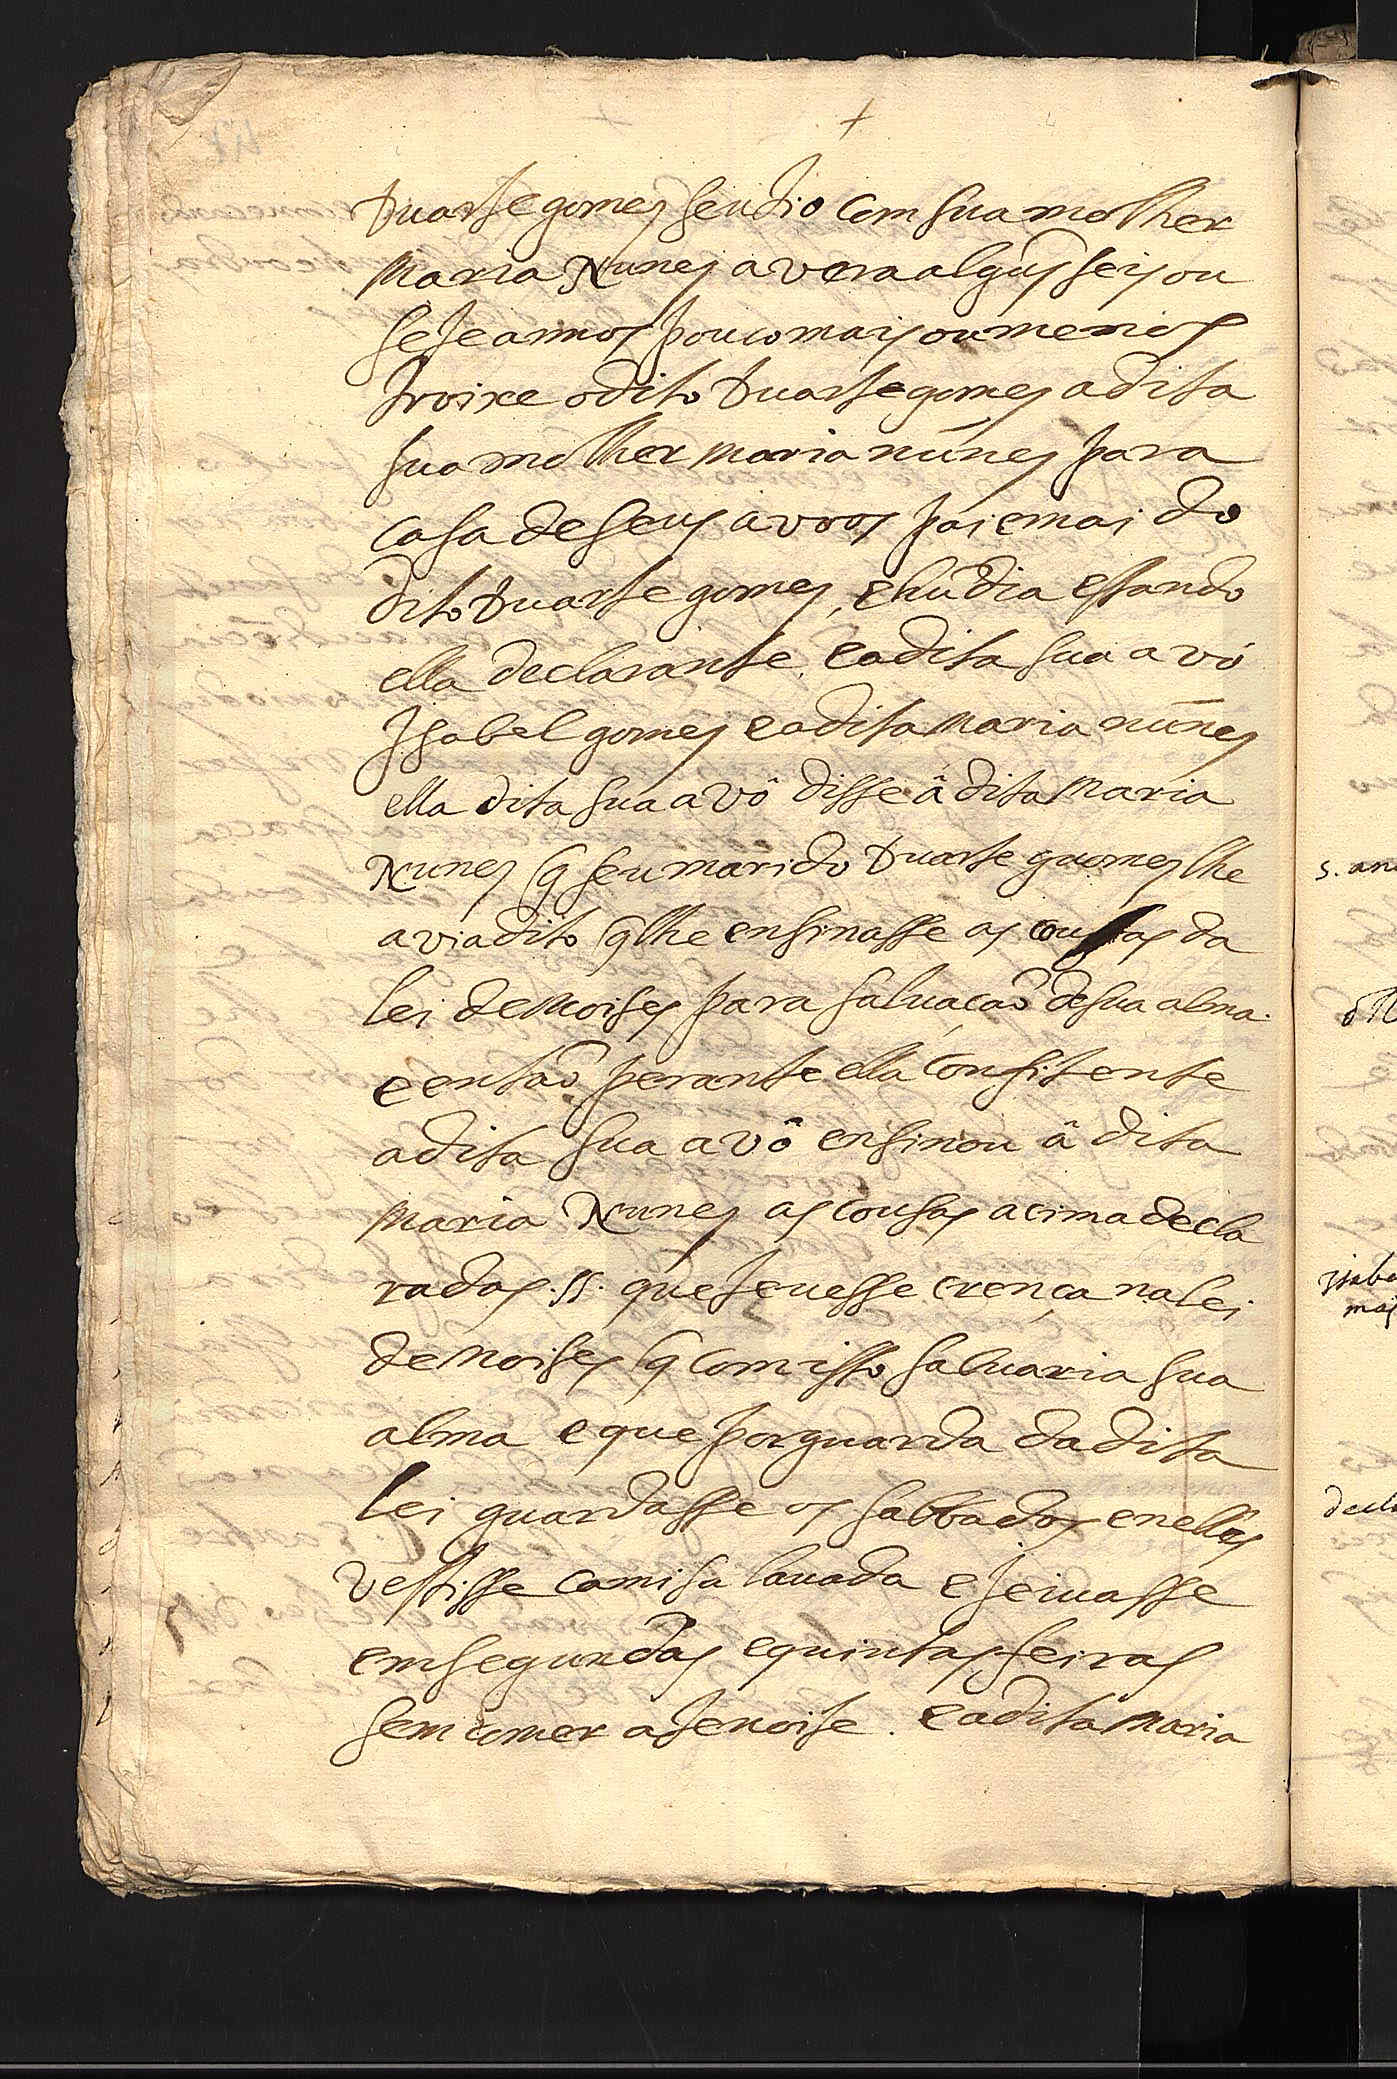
Duarte gomez seu tio com sua molher
Maria Nunez avera algus̄ seis ou
sete annos pouco mais ou menos
troixe o dito Duarte gomez a dita
sua molher maria nunez para
casa de seus avoos pai e mai do
dito Duarte gomez, e hū dia estando
ella declarante, e a dita sua avó
Jsabel gomez e a dita Maria nun̄ez
ella dita sua avô disse â dita Maria
Nunez q̄ seu marido Duarte guomez lhe
avia dito q̄ lhe ensinasse as cousas da
lei de Moises para saluaçaõ de sua alma
e entaõ perante ella confitente
a dita sua avô ensinou â dita
Maria Nunez as cousas acima decla
radas .ss. que teuesse crença na lei
de Moises q̄ com isso saluaria sua
alma e que por guarda da dita
lei guardasse os sabbados e nelles
vestisse camisa lauada e Jeiuasse
em segundas e quintas feiras
sem comer ate noite. e a dita Maria
